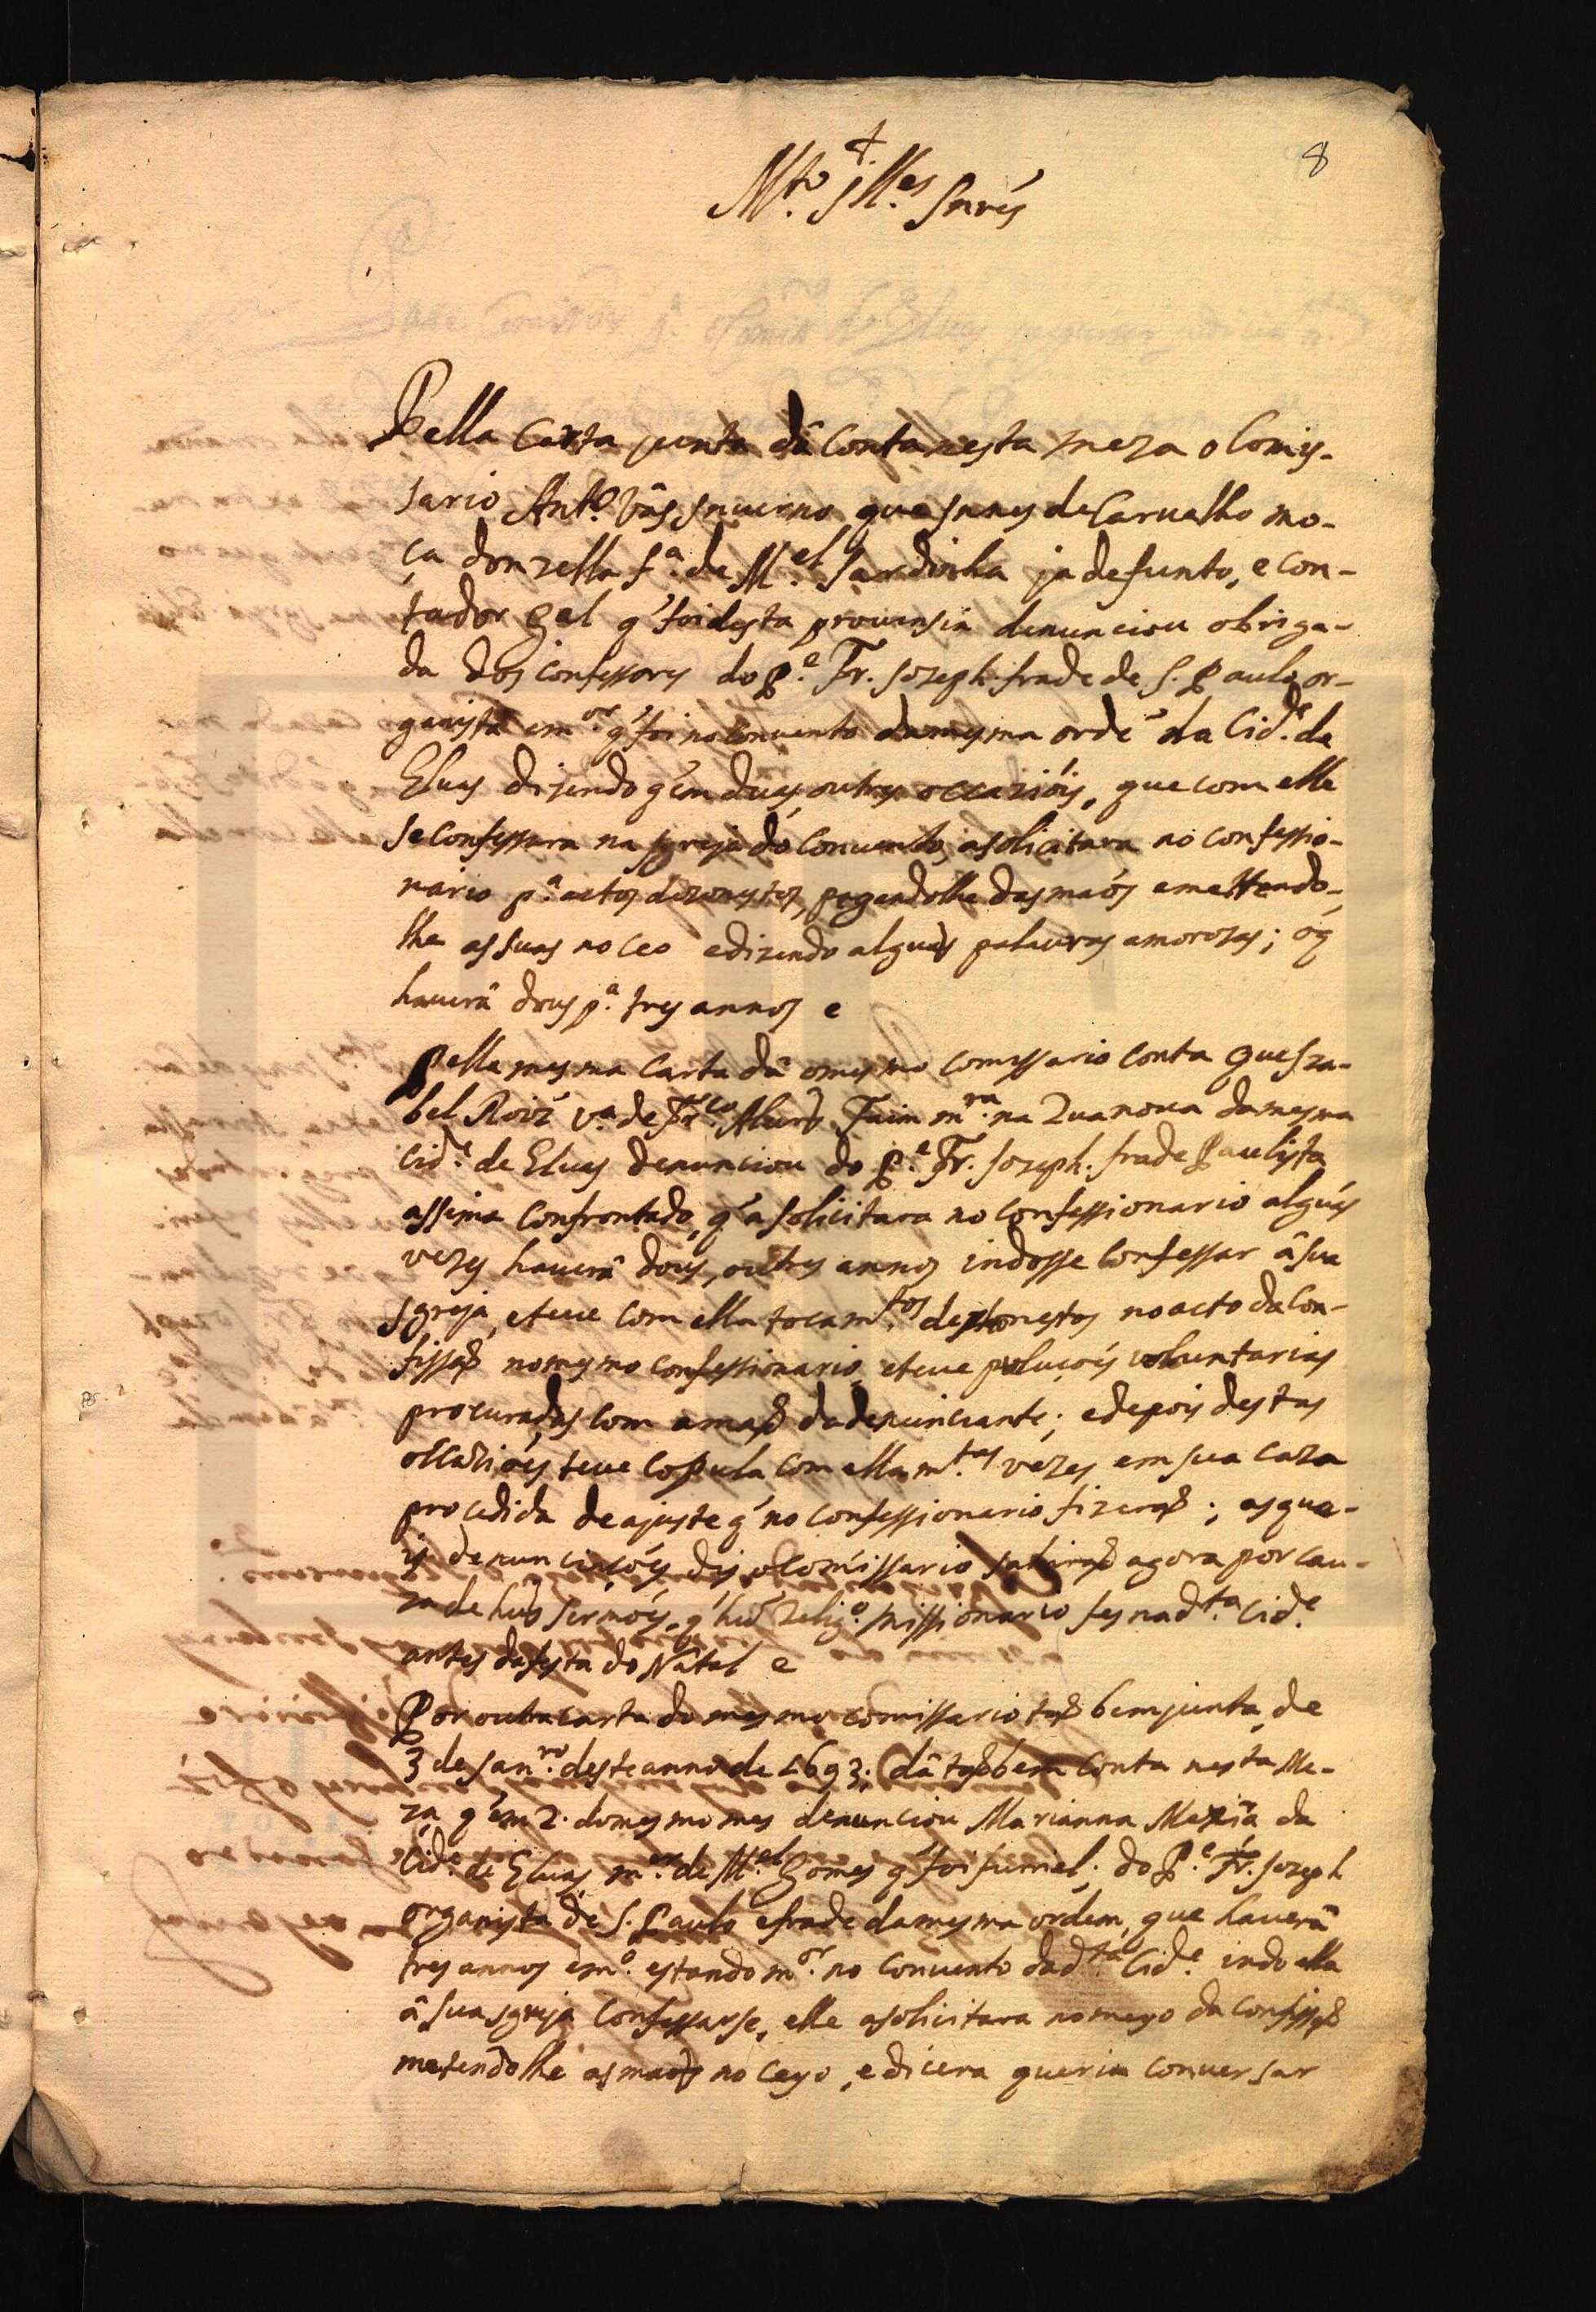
M.to Ill.es Snres̄
Pella carta junta dá conta nesta meza o Comis
sario Ant.o Vas jnuerno que Jnnes de Carualho mo
ça donzella f.a de M.el Sardinha ja defunto, e con
tador g.al q̄ foi desta prouinsia denunciou obriga
da dos confessores do p.e Fr. Joseph frade de S. Paulo or
ganista e m.or q̄ foi no conuento da mesma ordē da Cid.e de
Eluas dizendo q̄ em duas outras occazioĩs, que com elle
se confessara na jgreja do conuento, a solicitara no confessio
nario p.a actos dezonestos, pegandolhe das maõs e mettendo
lhe as suas no ceo e dizendo alguās palauras amorosas; o q̄
hauerá dous p.a tres annos e
pella mesma carta da o mesmo comissario conta que jza
bel Roiz̄ v.a de Fr.co Alurs̄ Faim mra. na Rua noua da mesma
cid.e de Eluas denunciou do p.e Fr. Jozeph. frade Paulista
assima confrontado, q̄ a solicitara no confessionario alguās
vezes hauerá dous, ou tres annos indosse confessar á sua
jgreja, e teue com ella tocam.tos deshonestos no acto da Con
fissaõ no mesmo confessionario, e teue poluçoẽs uoluntarias
procuradas com a maõ da denunciante; e depois destas
occazioẽs teue copula com ella m.tas vezes em sua caza
procedida de ajuste q̄ no confessionario fizeraõ; as qua
is denunciaçoẽs dis o comissario sahiraõ agora por cau
za de hus̄ sermoẽs, q̄ hū Relig.o missionario fes na d.ta cid.e
antes da festa do Natal e
Por outra carta do mesmo comissario taõbem junta, de
3 de jan.ro deste anno de 1693; dá taõbem conta nesta Me
za, q̄ em 2. do mesmo mes denunciou Marianna Mexia da
Cid.e de Eluas m.er de M.el Gomes q̄ foi furriel; do P.e Fr. Jozeph
organista de S. Paulo e frade da mesma ordem, que hauerá
tres annos e m.o estando m.or no conuento da d.ta Cid.e indo ella
á sua jgreja confessarse, elle a solicitara no meyo da confissaõ
metendolhe as maõs no ceyo, e dicera queria conuersar
